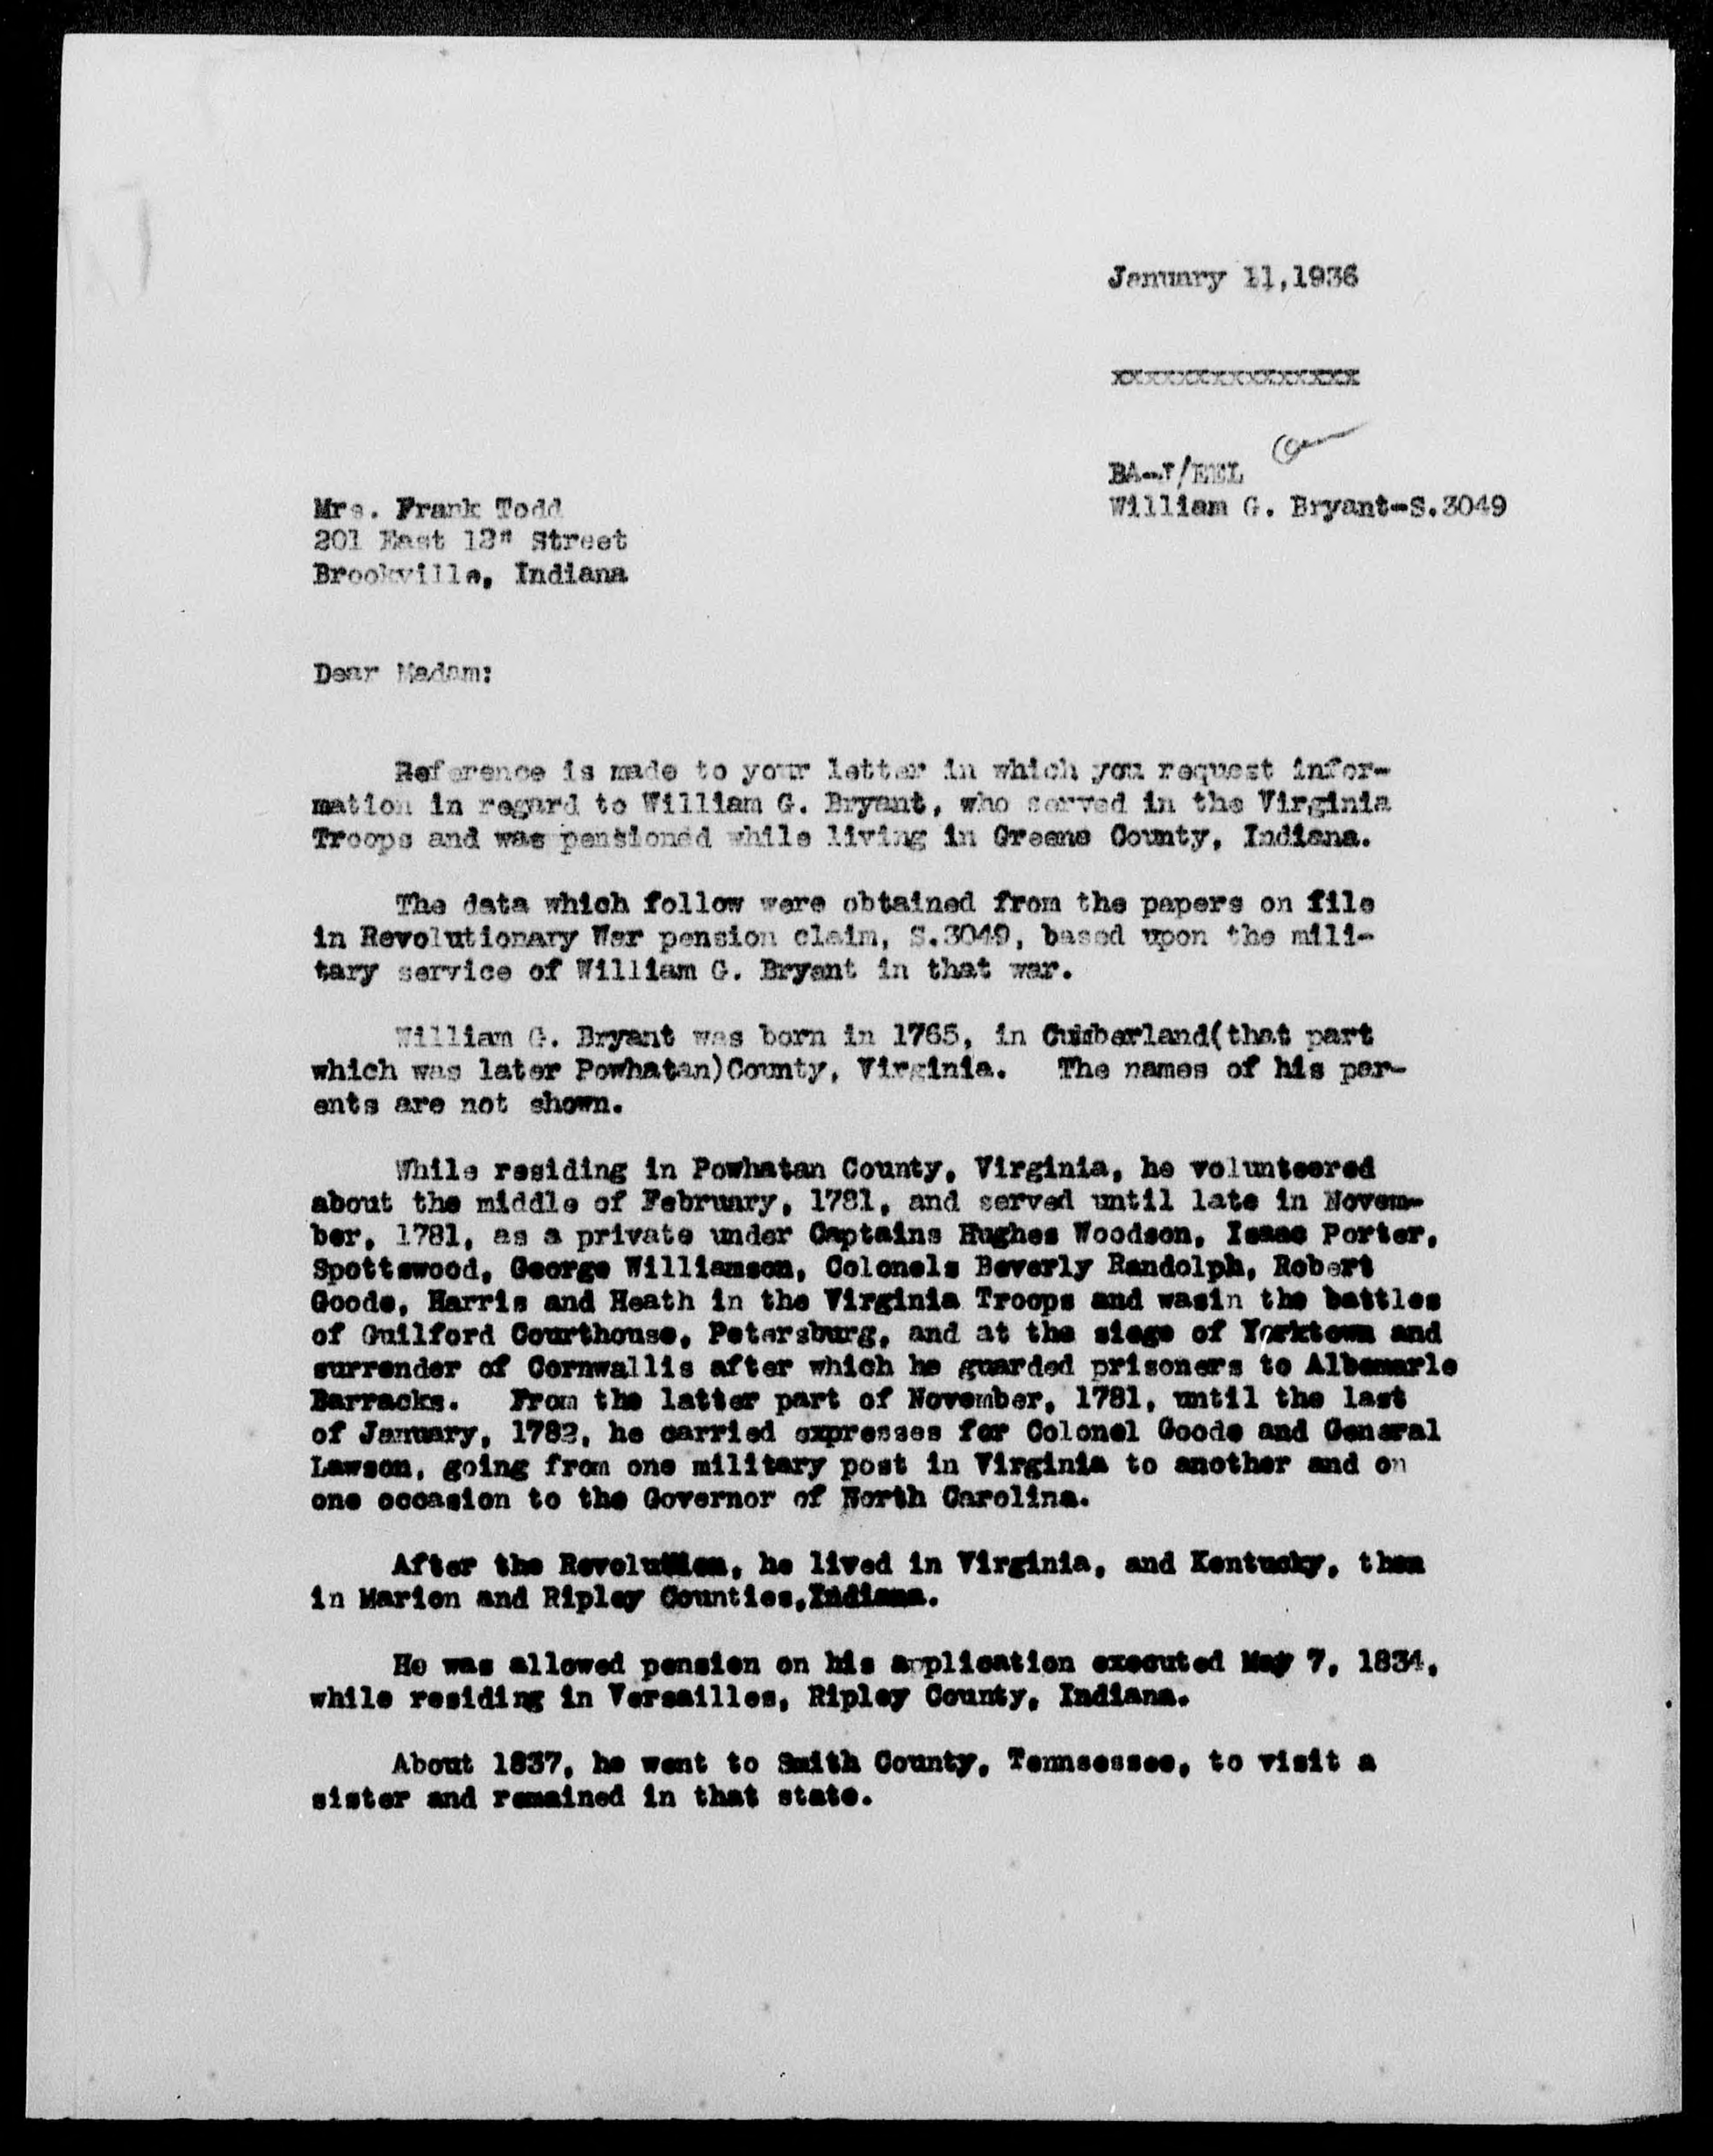January 11, 1936
BA-J/EEL
William G. Bryant-S.3049

Mrs. Frank Todd
201 East 12#Street
Brookville, Indiana

Dear Madam:

Reference is made to your letter in which you request information in regard to William G. Bryant, who served in the Virginia troops and was pensioned while living in Greene County, Indiana.

The data which follow were obtained from the papers on file in Revolutionary War pension claim, S.3049, based upon the military service of William G. Bryant in that war.

William G. Bryant was born in 1765, in Cumberland (that part which was later Powhatan) County, Virginia.  The names of his parents are not shown.

While residing in Powhatan County, Virginia, he volunteered about the middle of February, 1781, and served until late in November, 1781, as a private under Captains Hughes Woodson, Isaac Porter, Spottswood, George Williamson, Colonels Beverly Randolph, Robert Goode, Harris and Heath in the Virginia Troops and was in the battles of Guilford Courthouse, Petersburg, and at the siege of Yorktown and surrender of Cornwallis after which he guarded prisoners in Albemarle Barracks.  From the latter part of November, 1781, until the last of January, 1782, he carried expresses for Colonel Goode and General Lawson, going from one military post in Virginia to another and on one occasion to the Governor of North Carolina.

After the Revolution, he lived in Virginia, and Kentucky, then in Marion and Ripley Counties, Indiana.

About 1837, he went to Smith County, Tennessee, to visit a sister and remained in that state.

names: Frank Todd, William G Bryant, Lawson, Robert Goode, William G Bryant, William G Bryant, William G Bryant, Spottswood, Harris, Isaac Porter, George Williamson, Beverly Randolph, Hughes Woodson, Heath, Goode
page: 9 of 31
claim: survivor's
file: S. 3049, William G Bryant, Va.